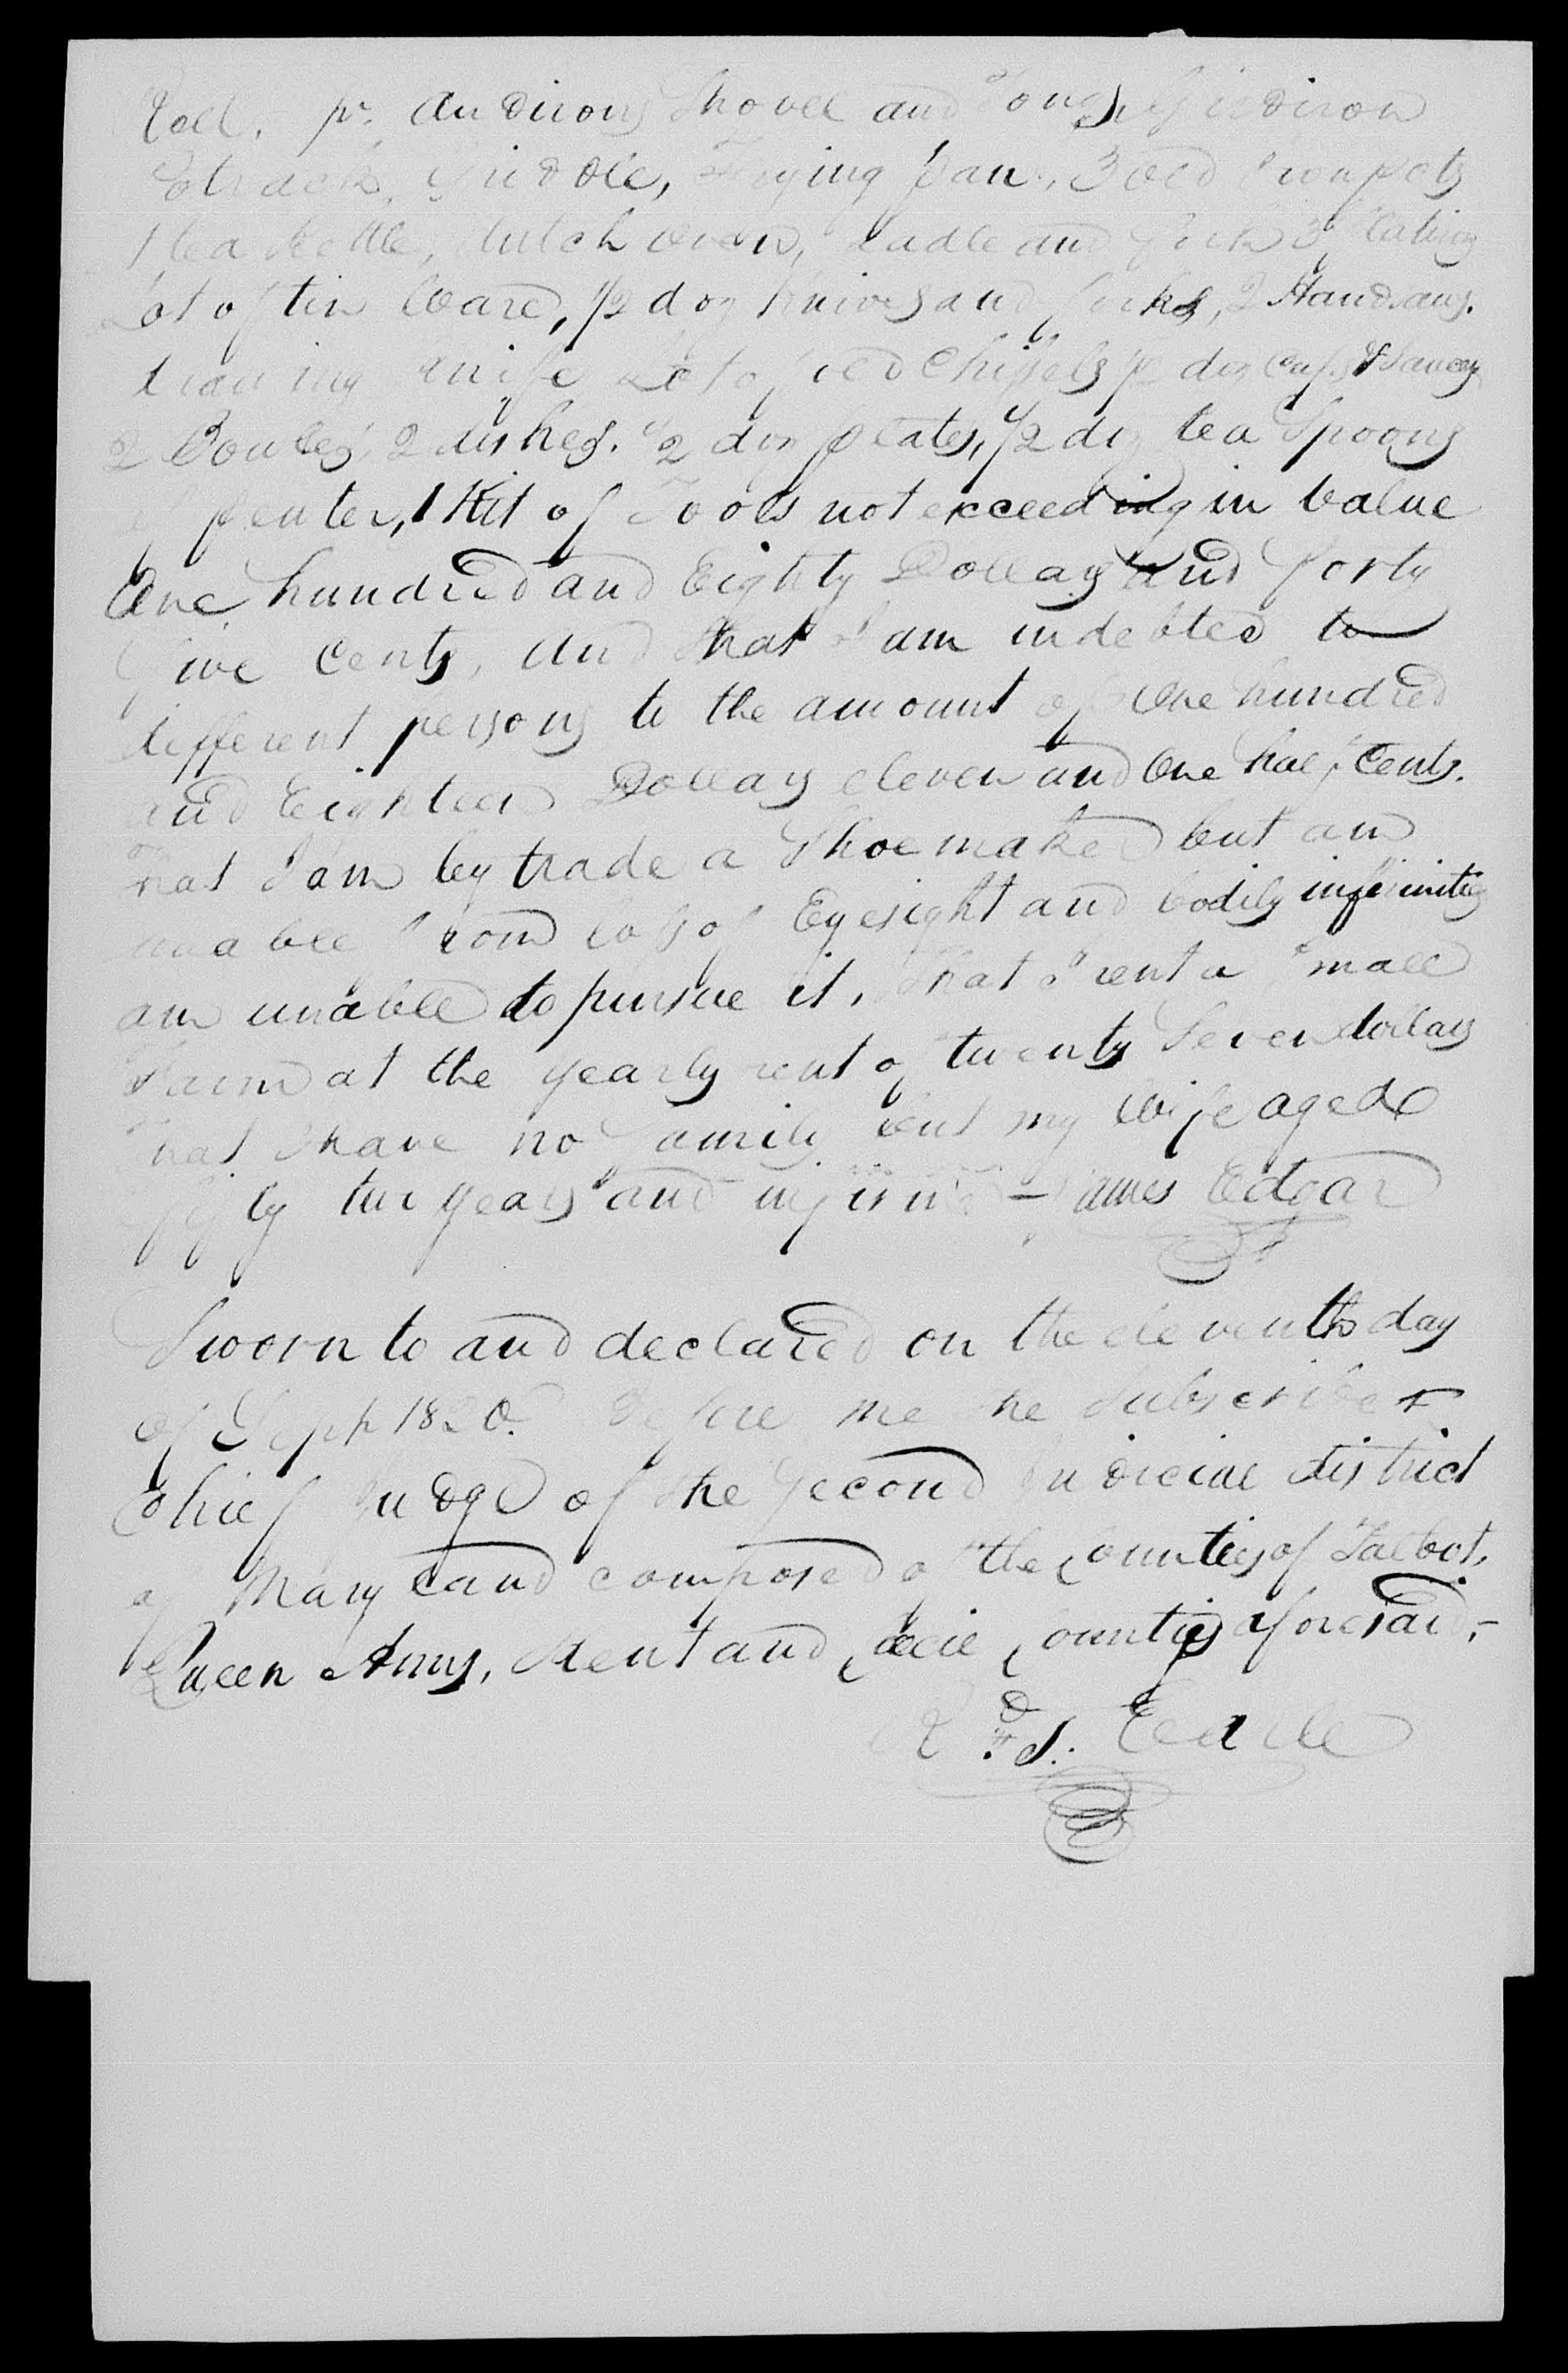Roll, [illeg.], ordinary shovel and tong [illeg.] potrack, griddle, frying pan, 3 old carpets, 1 tea kettle, dutch oven, ladle and fork, 3 [illeg.], lot of tin ware, 1/2 doz knives and forks, 2 handmade drawing knife, lot of old chisels, 1/2 doz cups of sauces, 2 bowls, 2 dishes, 1/2 doz plates, 1/2 doz tea spoons of pewter, 1 kit of tools not exceeding in value one hundred and eighty dollars and forty five cents, and that I am indebted to different persons to the amount of one hundred and eighteen dollars eleven and one half cents. That I am by trade a shoemaker but am unable from loss of eyesight and bodily infirmity am unable to pursue it, That I rent a small farm at the yearly rate of twenty seven dollars that I have no family and my wife aged fifty two years and [illeg.] -- [signed] James Edgar

Sworn to and declared on the eleventh day of Sept 1820. Before me he subscribed. Chief Judge of the Second Judicial district of Maryland composed of the counties of Talbot, Queen Annes, Kent and Cecil counties aftoresaid --
[signed] R.T. Earle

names: Queen Ames, R T Earle, James Edgar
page: 11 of 74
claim: widow's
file: W. 9422, James Edgar, Penn.